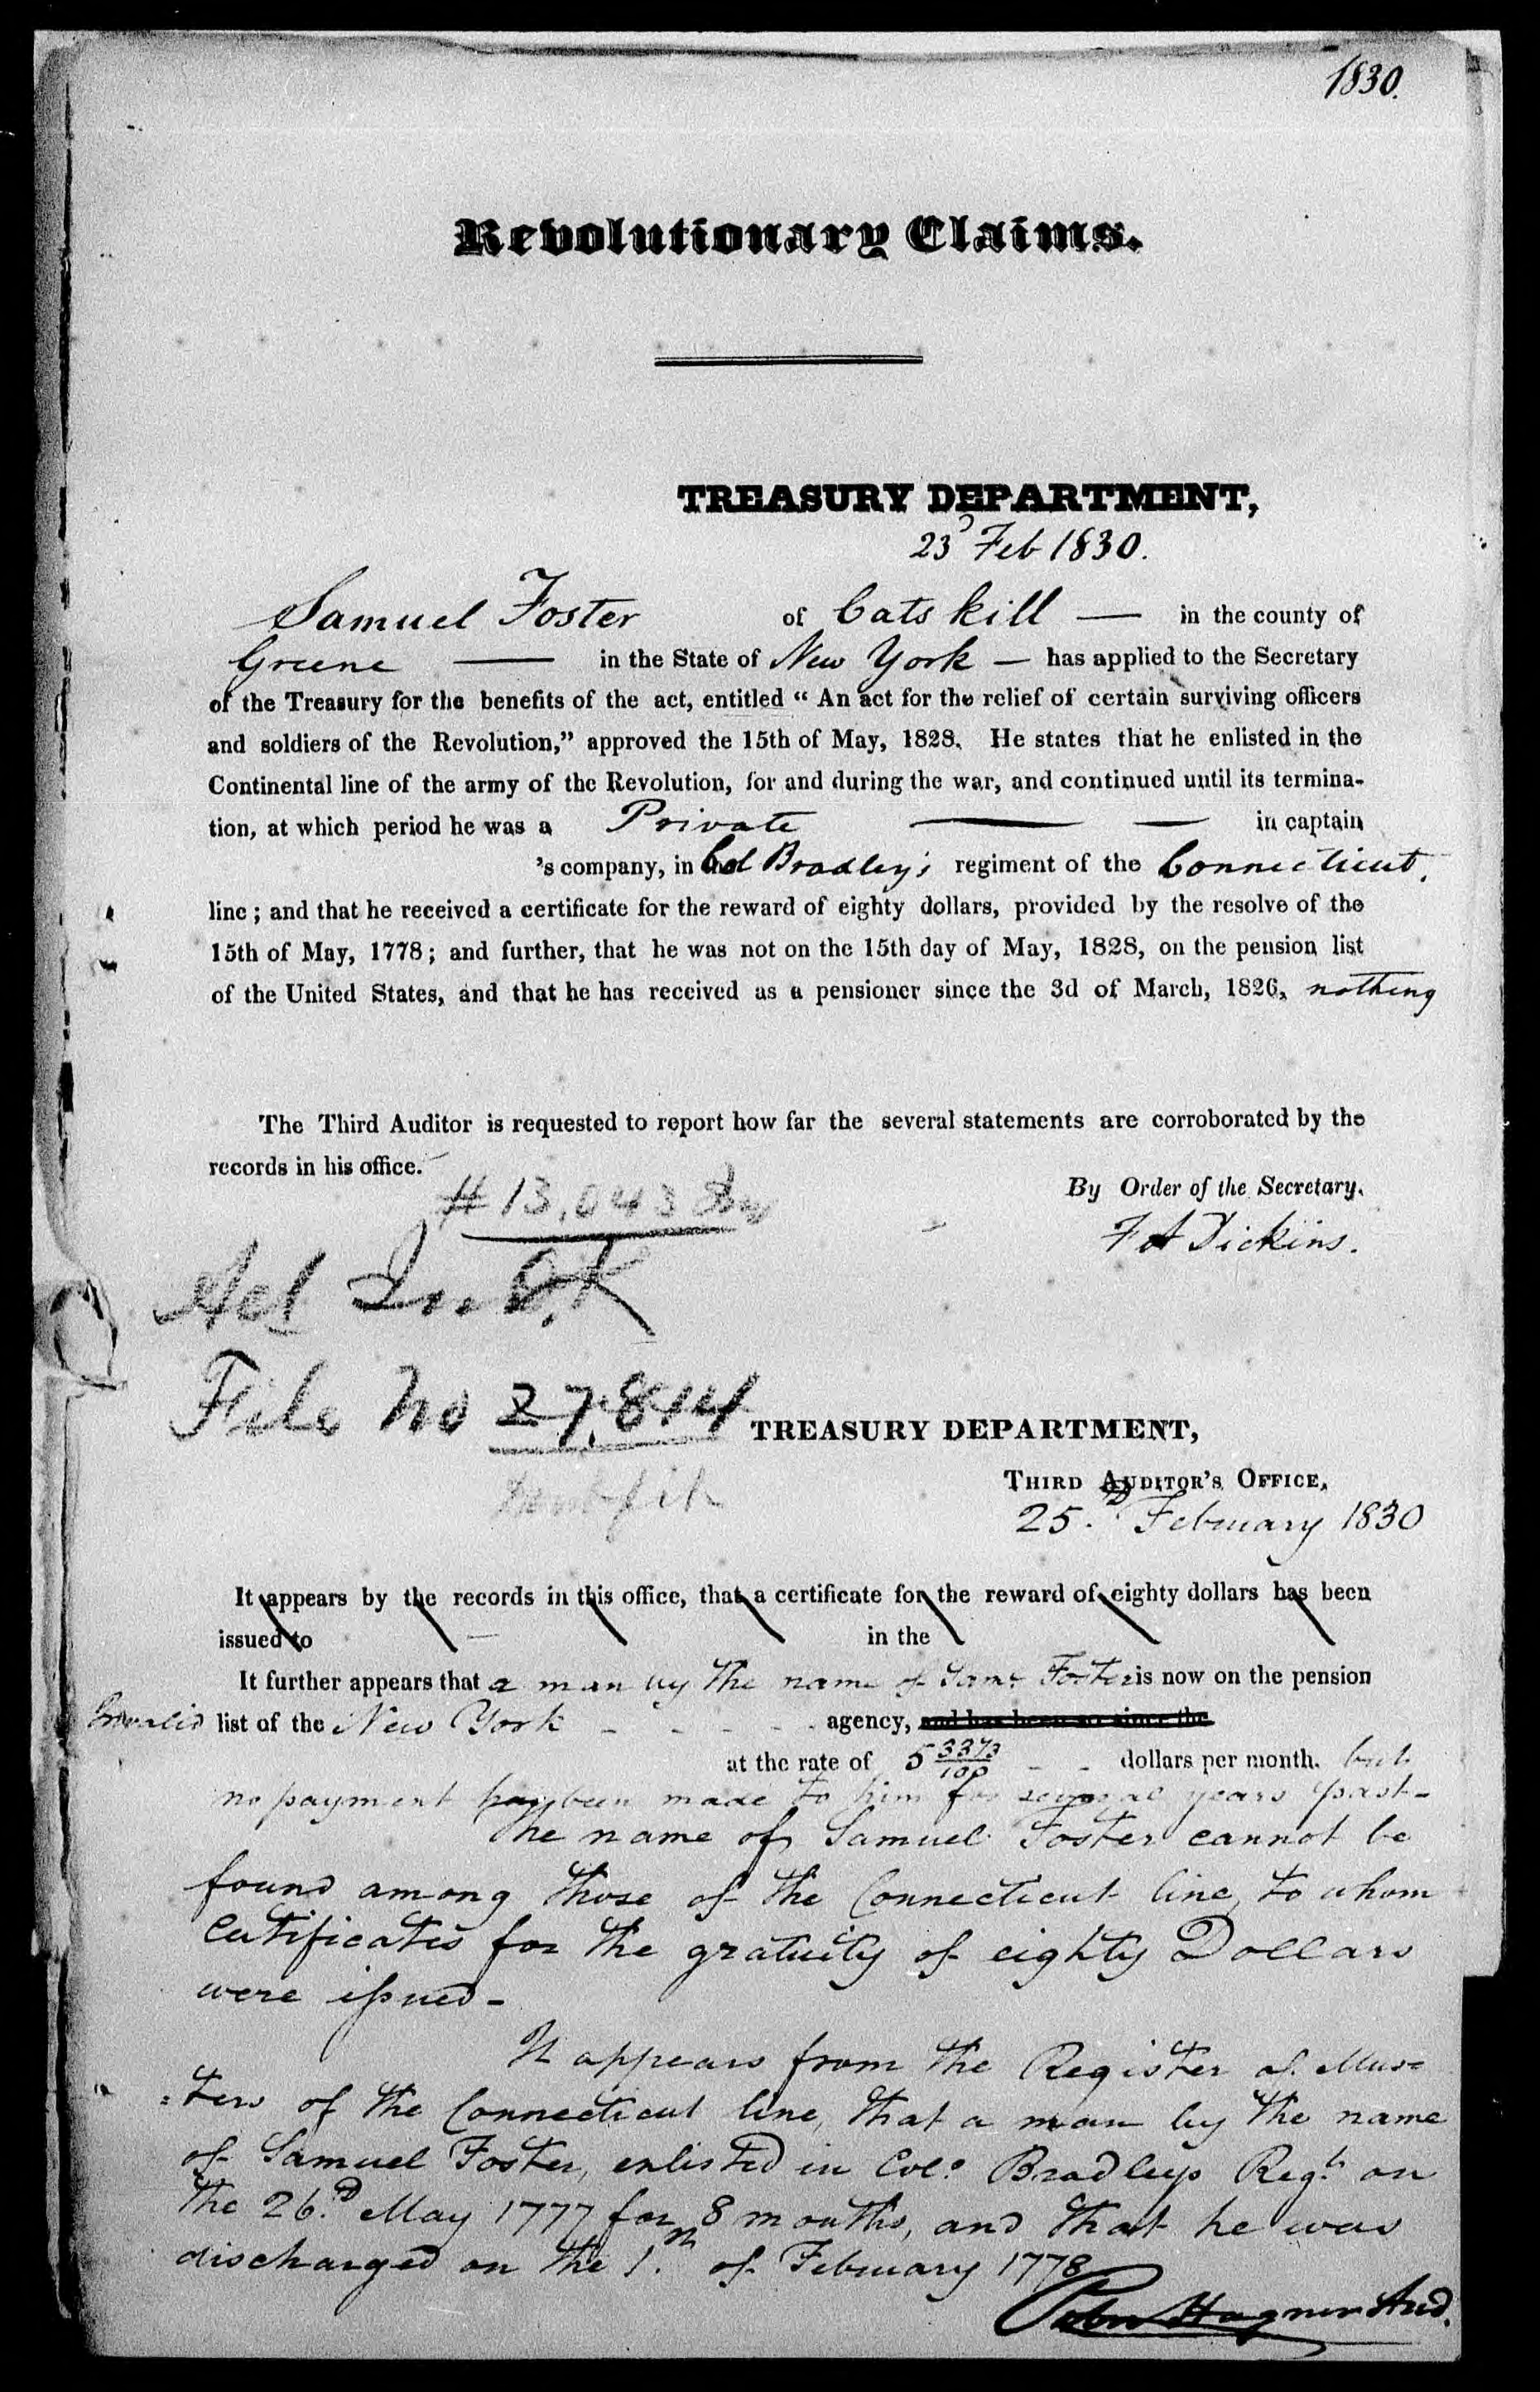1830.
Revolutionary Claims.
TREASURY DEPARTMENT, 23 Feb 1830.
Samuel Foster of Catskill - in the county of Greene - in the State of New York - has applied to the Secretary of the Treasury for the benefits of the act, entitled " An act for the relief of certain surviving officers and soldiers of the Revolution," approved the 15th of May, 1828. He states that he enlisted in the Continental line of the army of the Revolution, for and during the war, and continued until its termina-tion, at which period he was a Private - - in captain [blank space]'s company, in Col Bradley's Regiment of the Connecticut line; and that he received a certificate for the reward of eighty dollars, provided by the resolve of the 15th of May, 1778; and further, that he was not on the 15th day of May, 1828, on the pension list of the United States and that he has received as a pensioner since the 3d of March, 1826, nothing
The Third Auditor is requested to report how far the several statements are corroborated by the records in his office.
By Order of the Secretary,
[signed] F A Dickins.
#13.043 [illegible]
Act [illegible] O.K
File no 27.814 [illegible]
TREASURY DEPARTMENT,
THIRD AUDITOR'S OFFICE, 25. February 1830
[the following sentence has been crossed out: It appears by the records in this office, that a certificate for the reward of eighty dollars has been issued to   in the     ]
It further appears that a man by the name of Saml Foster is now on the pension [illegible] list of the New York _ _ _ _ _ agency, [words crossed out] at the rate of 5 33 1/3/100 _ _ dollars per month. but no payment has been made to him for several years past
The name of Samuel Foster cannot be found among those of the Connecticut line to whom certificates for the gratuity of eighty Dollars were issued _
It appears from the Register of  Mus=ters of the Connecticut line that a man by the name of Samuel Foster enlisted in Col. Bradleys Regt. on the 26th May 1777 for 8 months, and that he was discharged on the 1st of February 1778
[signed] Peter Hagner Aud.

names: Samuel Foster, Saml Foster, Samuel Foster, Peter Hagner, Samuel Foster, F A Dickins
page: 44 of 54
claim: survivor's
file: S. 13,043, Samuel Foster, Conn.